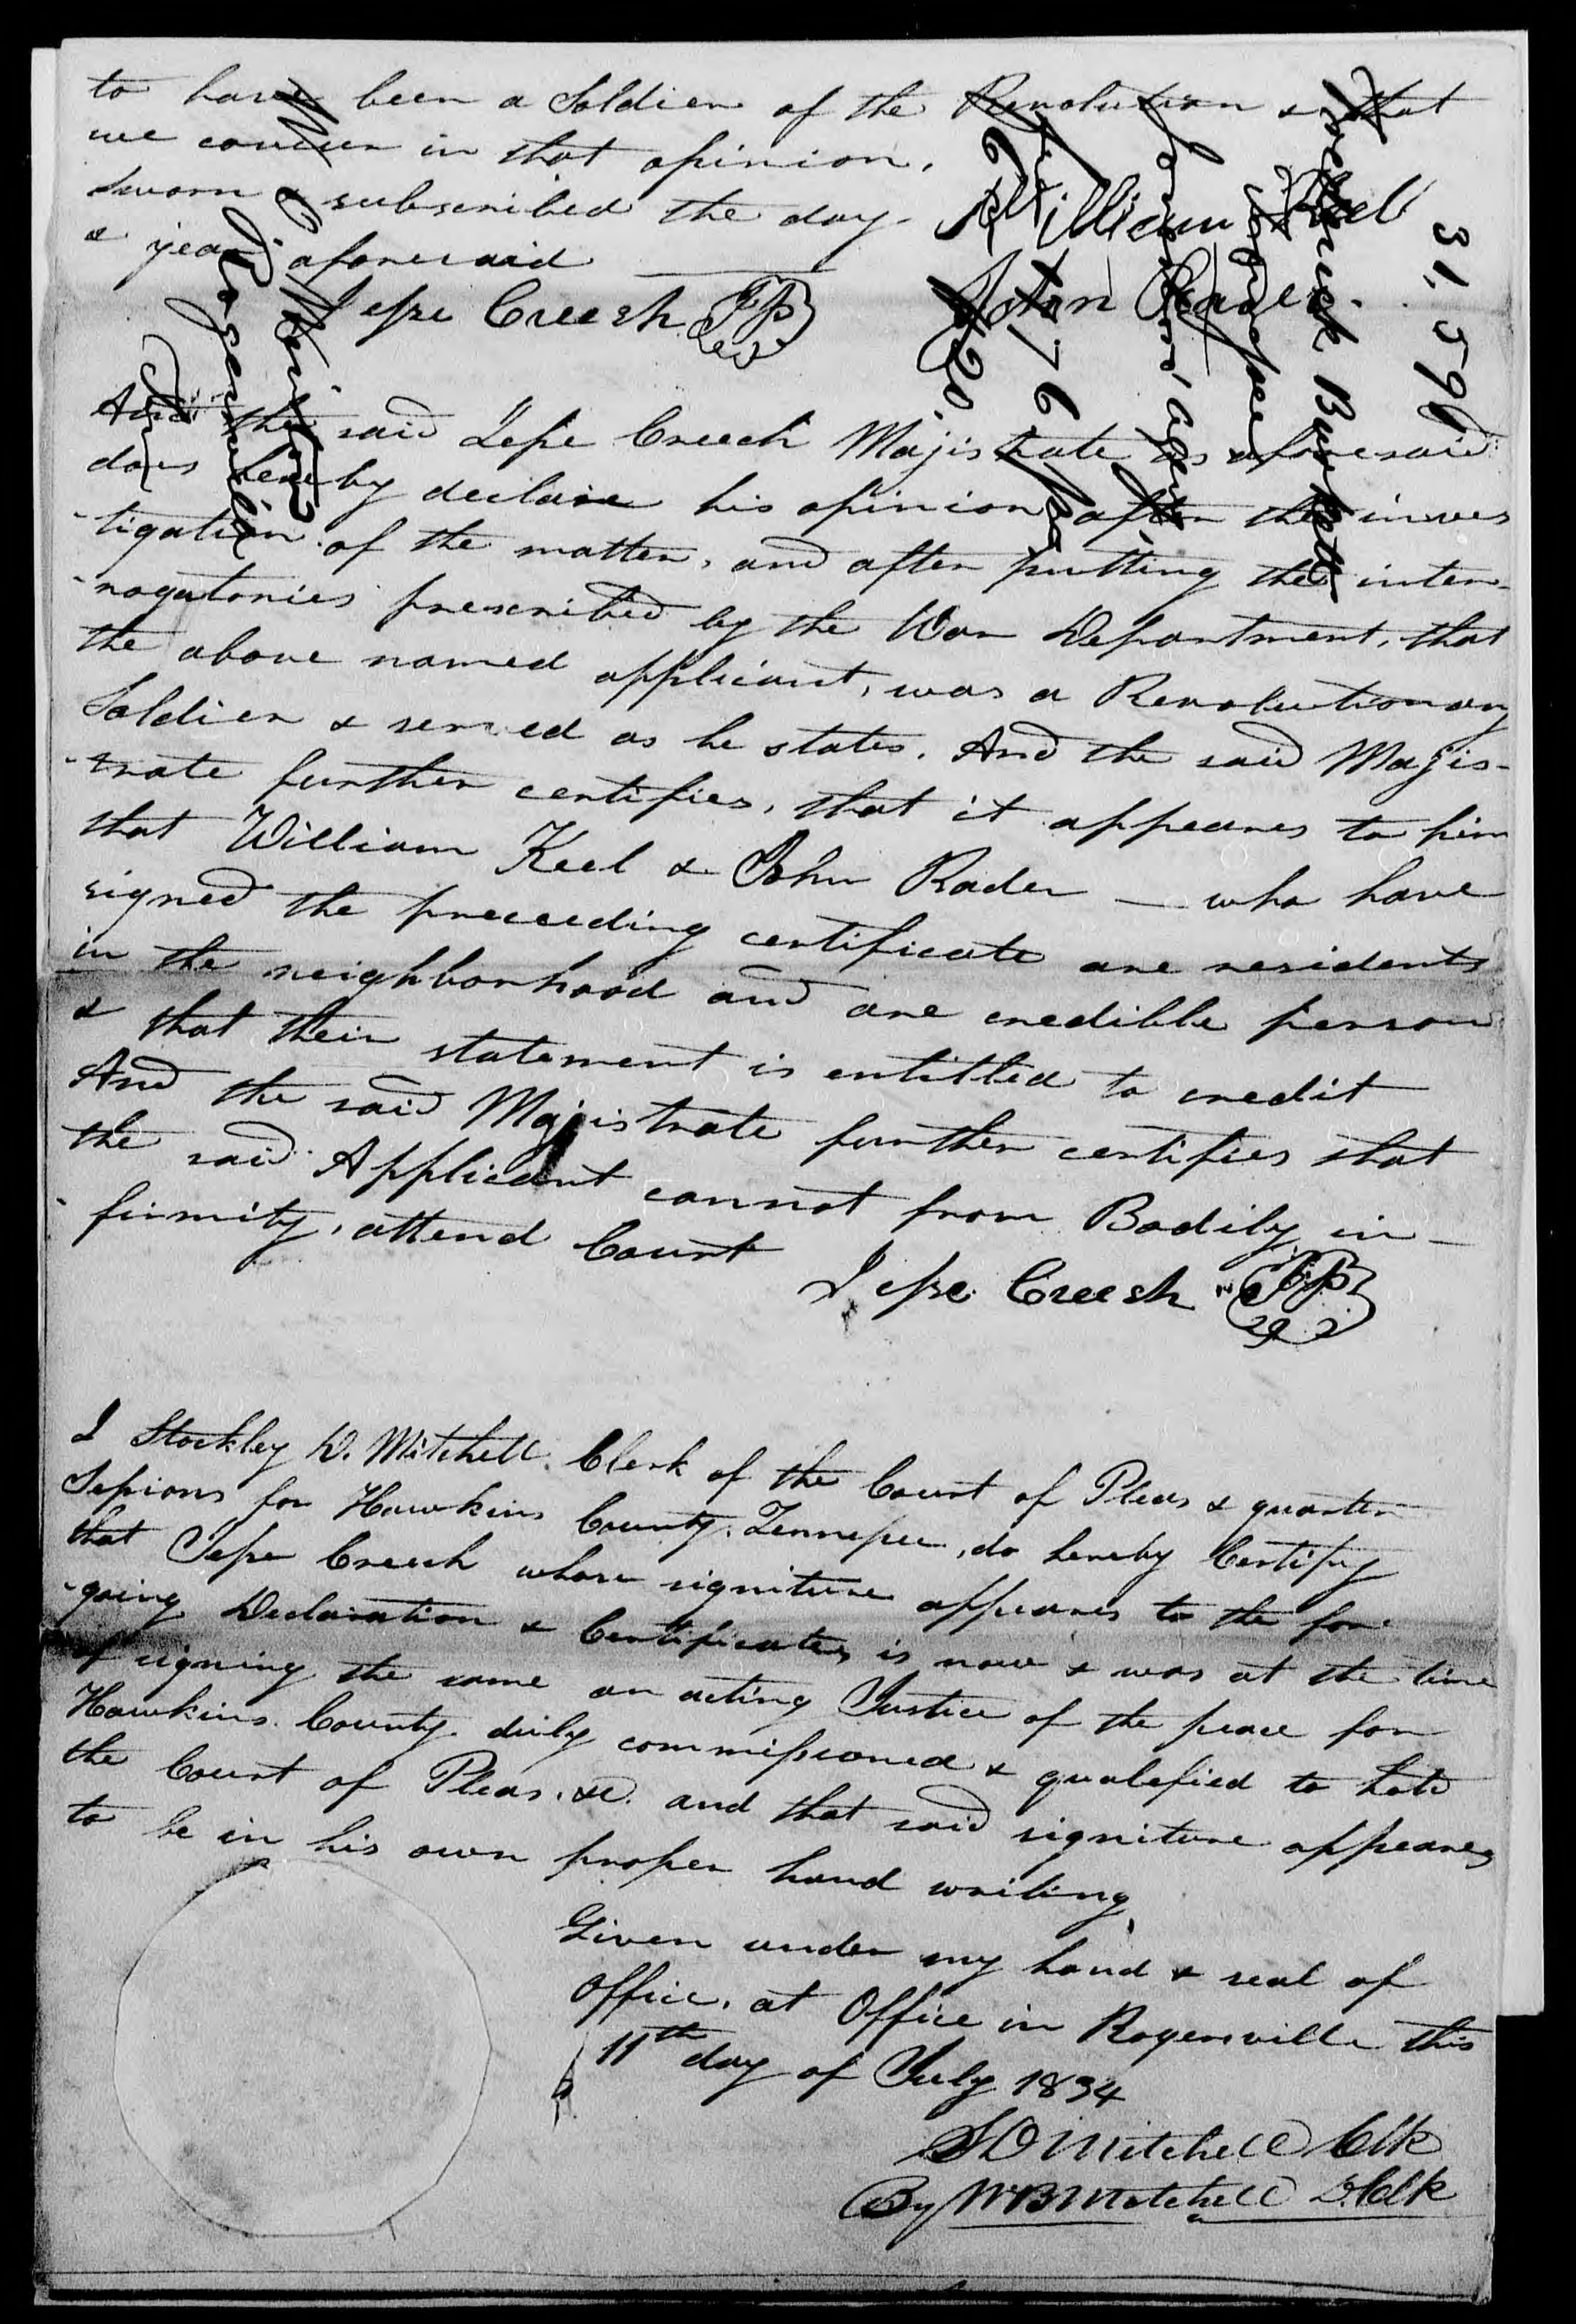(Written vertically):
W O. Winton Rogerville (left side)

31,591   (right side)
Frederick Burkett
Tennessee
Jonesboro Agency
fee 1776 po
6-120

to have been a Soldier of the Revolution in that we concern in that opinion.
Sworn & subscribed the day & year aforesaid
Jesse Creech

And the said Jesse Creech Magistrate as aforesaid does hereby declare his opinion after the investigation of the matter, and after putting the interrogatories prescribed by the War Department, that the above named applicant, was a Revolutionary Soldier & served as he states.  And the said Magistrate further certifies, that it appears to him that William Keel & John Rader _ who have signed the preceeding (sic) certificate are residents in the neighborhood and are credible persons & that their statement is entitled to credit 
And the said Magistrate further certified that the said Applicant cannot from Bodily infirmity, attend Court
Jesse Creesh, JP (Seal)

I Stockley D. Mitchell, Clerk of the Court of Pleas and Quarter Sessions for Hawkins County Tennessee, do hereby certify that Jese Creech whose signature appears to the forgoing Declaration & Certificates is now & was at the time of signing the same an acting Justice of the peace for Hawkins County duly commissioned & qualified to hold the Court of Pleas sec and that said signature (sic) appears to be in his own proper hand writing,

(SEAL)
Given under my hand & seal of Office. at Office in Rogersville this 11th day of July 1834
S D Mitchell Clk
By WB Mitchell DClk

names: Jesse Creech, Jesse Creech, S D Mitchell, Jesse Creech, W O Winston, John Pease, Stockley D Mitchell, William Keel, W B Mitchell, Burkett, John Rader, William Keel, Jesse Creech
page: 34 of 47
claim: survivor's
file: S. 3102, Frederick Burket, Va.